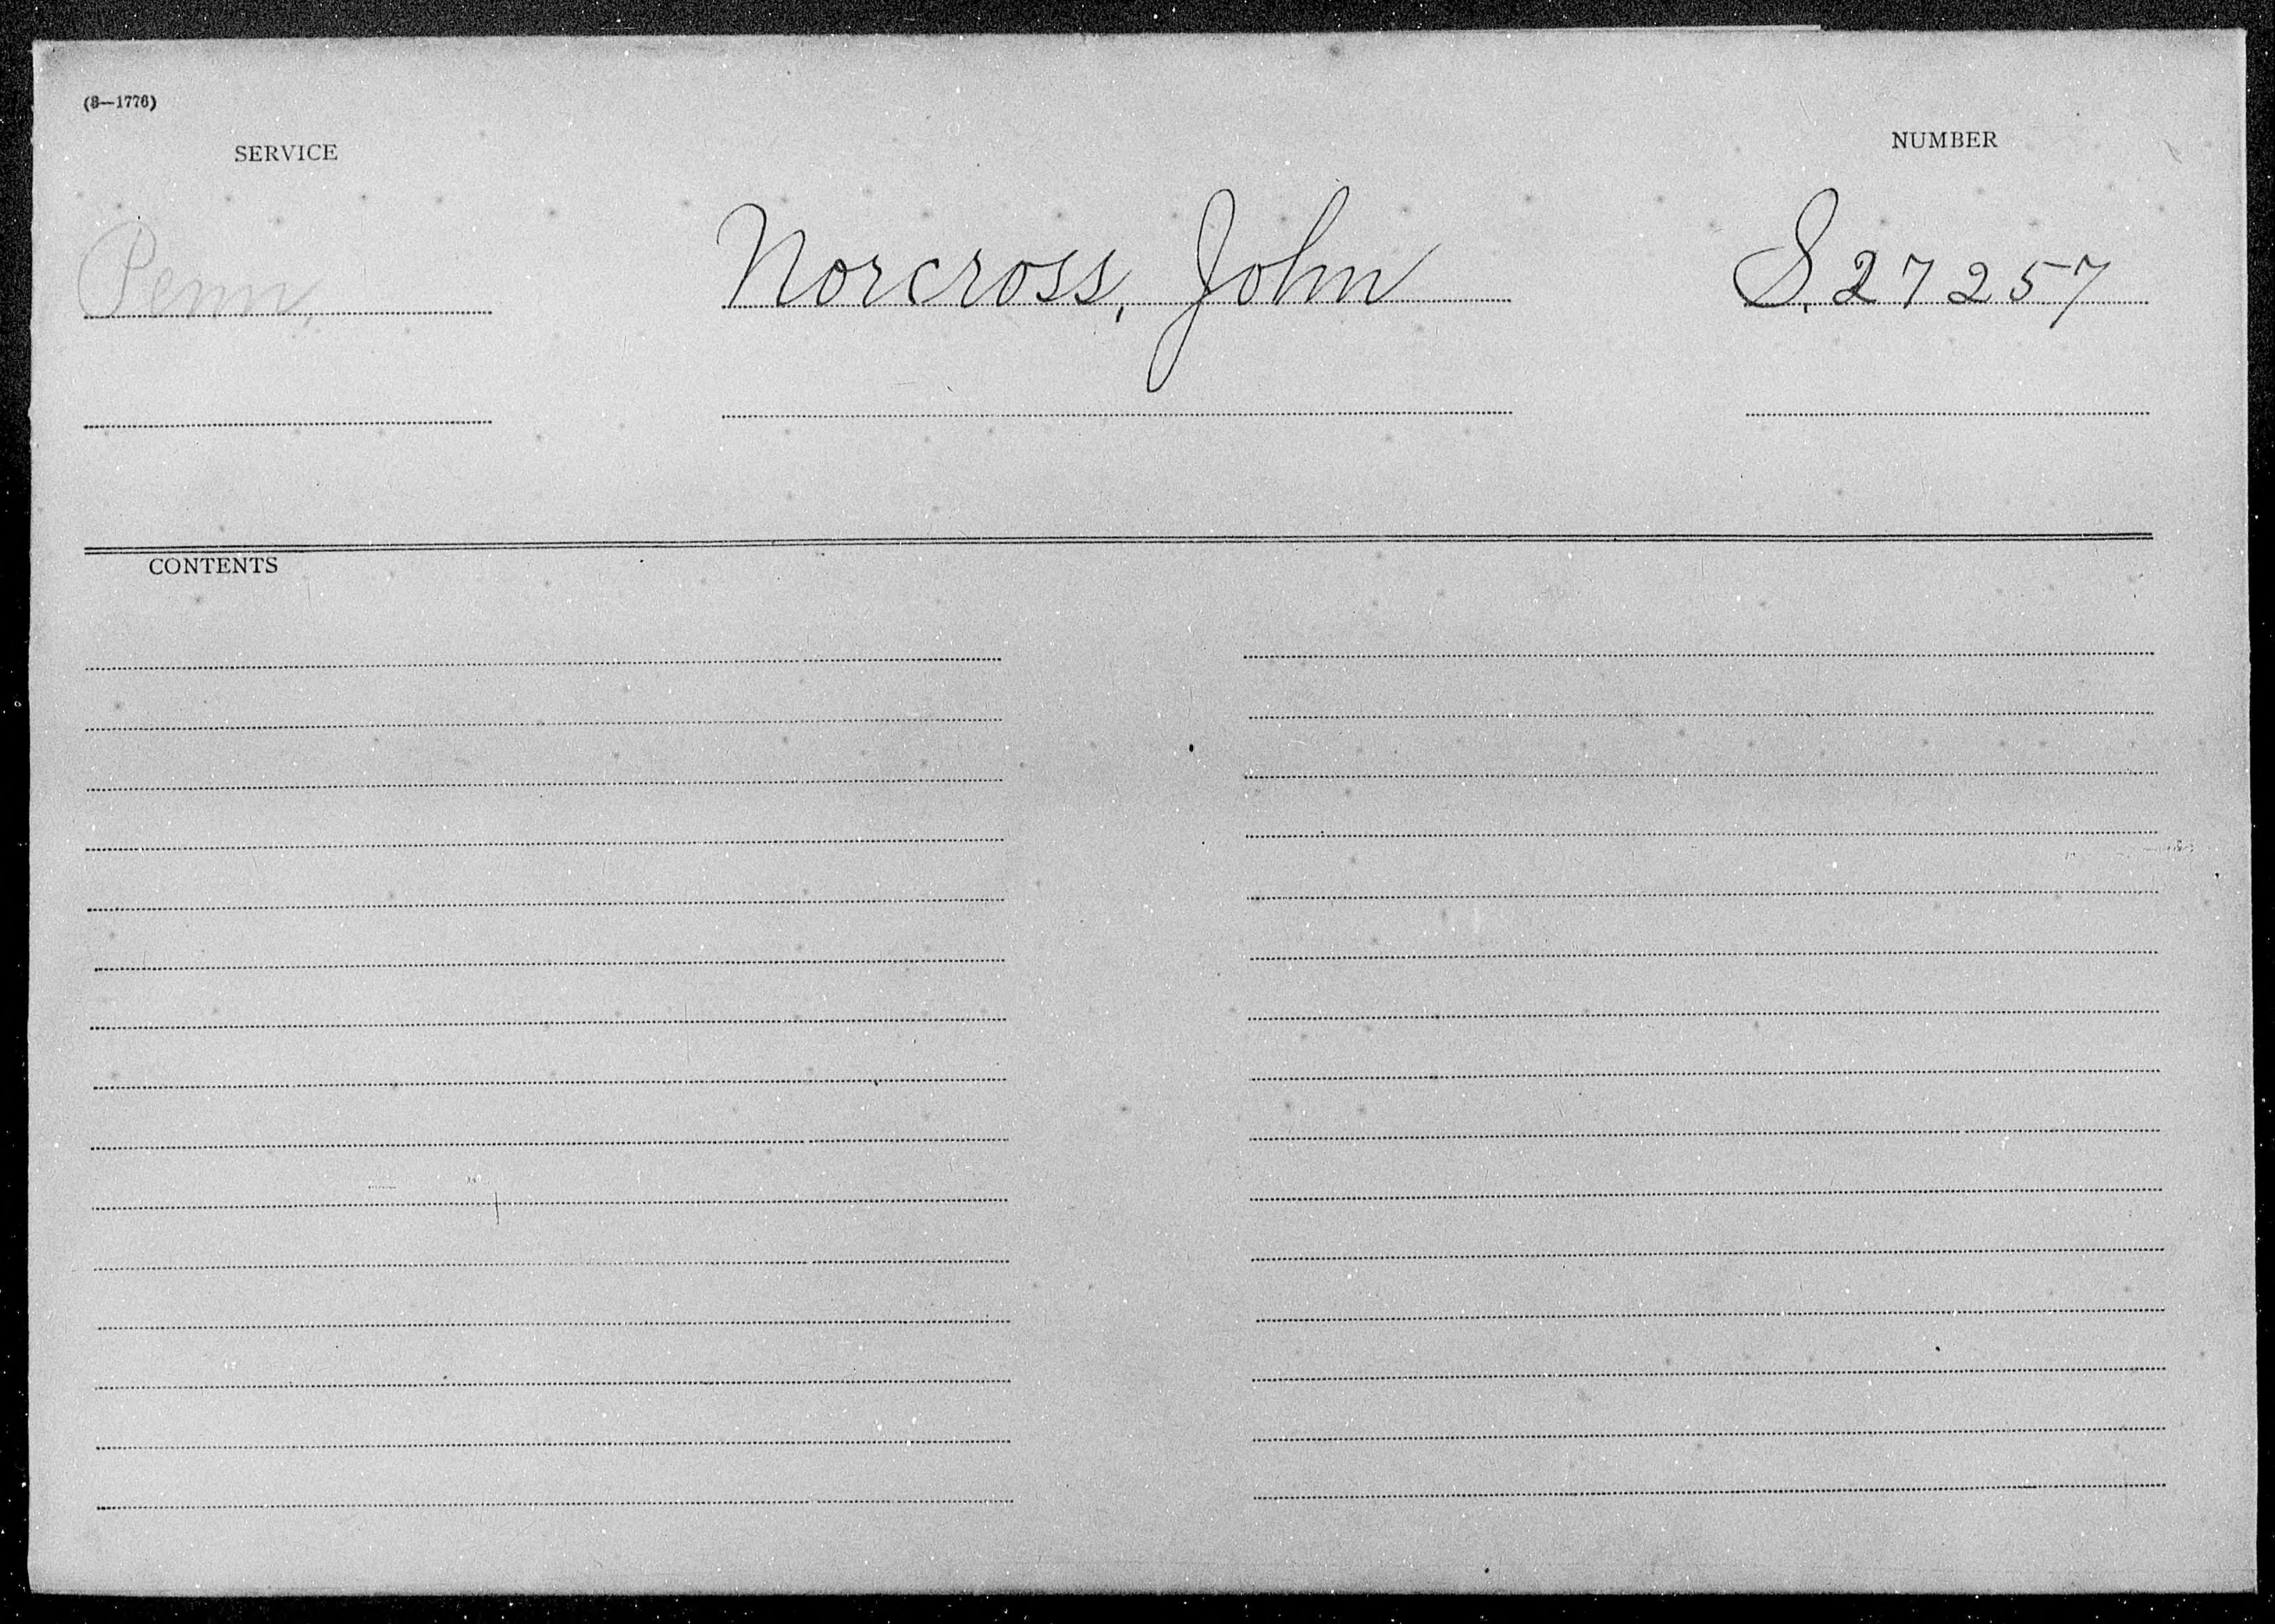(8--1776)
SERVICE                                            NUMBER
Penn    Norcross, John                  S27257

CONTENTS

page: 1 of 23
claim: survivor's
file: S. 27257, for John Norcross, Pennsylvania